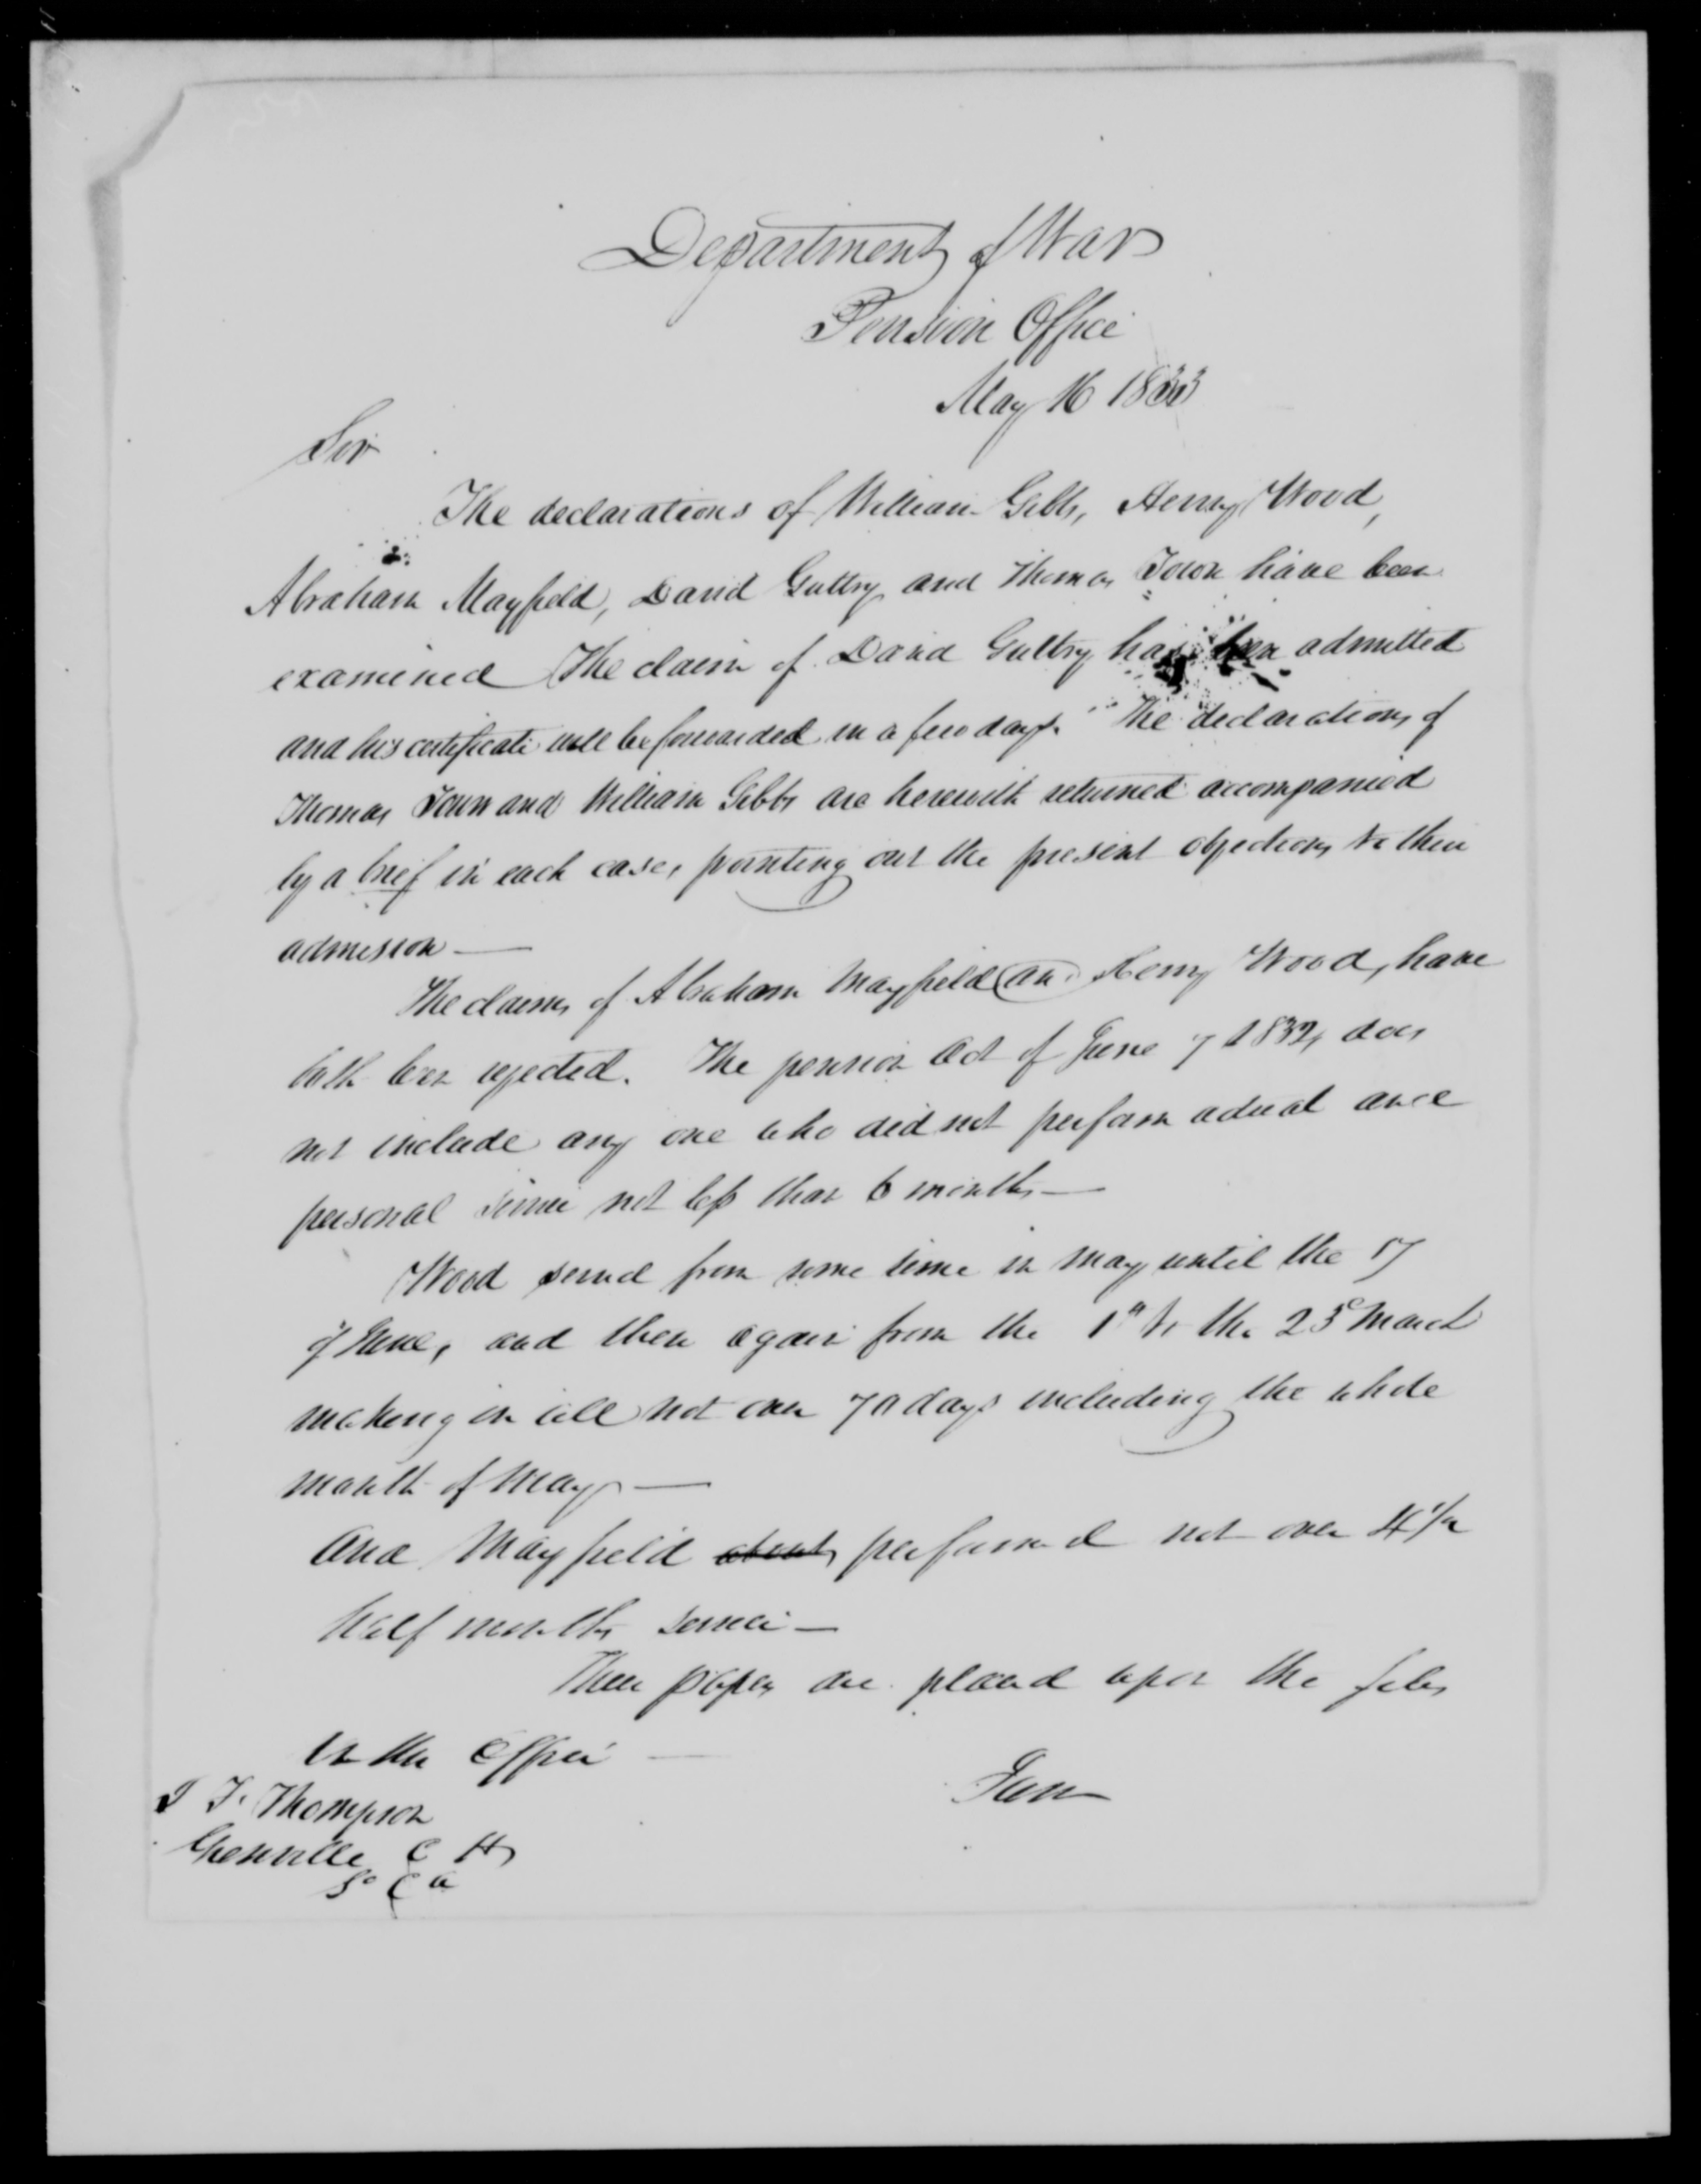Department of War Pension Office May 16 1833
Sir
The declaration of William Gibbs, Henry Wood, Abraham Mayfield David Gully and Thomas Town have been examined.  The claim of David Gully has been admitted and his certificate will be forwarded in a few days.  Th declaration of Thomas Town and William Gibbs are herewith returned accompanied by a brief in each case, pointing out the present objection to their admission.
The claim of Abarham Mayfield and Henry Wood have both been rejected.  The pension act of June 7th 1832 does not include any one who did not perform x personal service not less than 6 months --
Wood served from some time in May until the 7 of June and then again from the 1st tru the 23rd March making in all not over 70 days including the whole month of May -- and Mayfield performed not over 4 1/2 half months service --
Their papers are placed xx the files in the office - I am J.T. Thompson  Greenville C H SC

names: Henry Wood, Herry Wood, William Gibbs, Abraham Mayfield, J T Thompson, Thomas Town, David Gultry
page: 27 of 40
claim: rejected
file: R. 11785, Henry Wood, N. C.